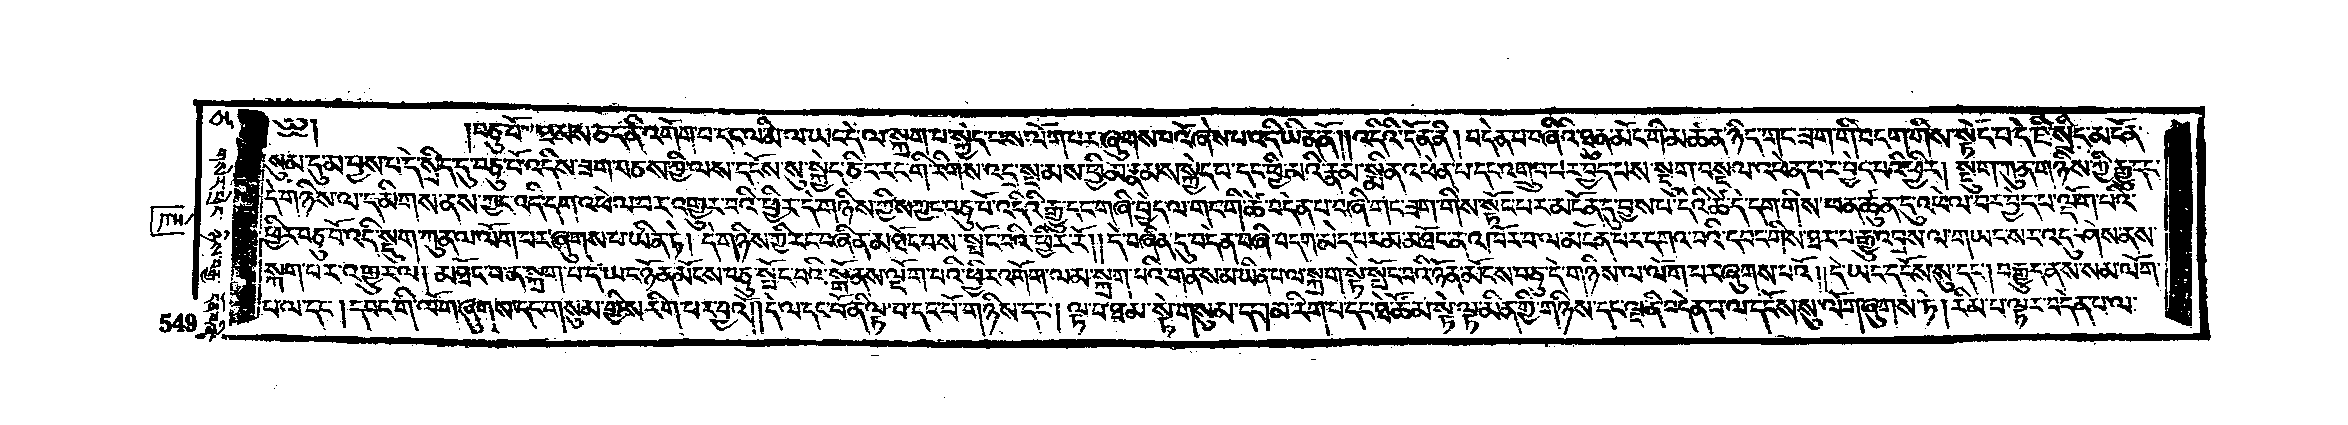༄༅། །བཅུ་པོ་ཐམས་ཅད་ནི་འགོག་པ་དང་ལམ་ལ་ཡང་དེ་ལ་སྐྲག་པ་སྐྱེད་པ་ལོག་པར་ཞུགས་པའོ་ཞེས་པ་འདི་ཡིན་ནོ། །འདིའི་དོན་ནི། བདེན་པ་བཞིའི་ཐུན་མོང་གི་མཚན་ཉིད་གང་ཟག་གི་བདག་གིས་སྟོང་བ་དེ་ཇི་སྲིད་མངོན་
སུམ་དུ་མ་བྱས་པ་དེ་སྲིད་དུ་བཅུ་པོ་འདིས་ཟག་བཅས་ཀྱི་ལས་དངོས་སུ་སྐྱེད་ཅིང་རང་གི་རིགས་འདྲ་སྔ་མས་ཕྱི་མ་རྣམས་སྐྱེད་པ་དང་ཕྱི་མའི་རྣམ་སྨིན་འཕེན་པ་དང་འགྲུབ་པར་བྱེད་པས་སྡུག་བསྔལ་འཕེན་པར་བྱེད་པའི་ཕྱིར། སྡུག་ཀུན་གཉིས་ཀྱི་རྒྱུ་དང་
དེ་གཉིས་ལ་དམིགས་ནས་ཀྱང་འདི་དག་འཕེལ་བར་འགྱུར་བའི་ཕྱིར་དེ་གཉིས་ཀྱིས་ཀྱང་བཅུ་པོ་འདིའི་རྒྱུ་དང་གཞི་བྱེད་ལ་གང་གི་ཚེ་བདེན་པ་བཞི་གང་ཟག་གིས་སྟོང་པར་མངོན་དུ་བྱས་པ་དེའི་ཚེ་དེ་དག་གིས་ཕན་ཚུན་དུ་འཕེལ་བར་བྱེད་པ་ལྡོག་པའི་
ཕྱིར་བཅུ་པོ་འདི་སྡུག་ཀུན་ལ་ལོག་པར་ཞུགས་པ་ཡིན་ཏེ། དེ་གཉིས་ཀྱི་རང་བཞིན་མཐོང་བས་སྤོང་བའི་ཕྱིར་རོ། །དེ་བཞིན་དུ་བདེན་བཞི་བདག་མེད་པར་མ་མཐོང་ན་འཁོར་བ་ལ་མངོན་པར་དགའ་བའི་དབང་གིས་ཐར་པ་རྒྱུ་བསལ་གཡས་སར་འདུ་ཤེས་ནས་
སྐྲག་པར་འགྱུར་ལ། མཐོང་བ་ན་སྐྲག་པ་དེ་ཡང་ཉོན་མོངས་བཅུ་སྤོང་བའི་སྒོ་ནས་ལྡོག་པའི་ཕྱིར་འགོག་ལམ་སྐྲག་པའི་གནས་མ་ཡིན་པ་ལ་སྐྲག་སྟེ་སྤོང་བའི་ཉོན་མོངས་བཅུ་དེ་གཉིས་ལ་ལོག་པར་ཞུགས་པའོ། །དེ་ཡང་དངོས་སུ་དང་། བརྒྱུད་ནས་སམ་ལོག་
པ་ལ་དང་། དབང་གི་ལོག་ཞུགས་དང་གསུམ་གྱིས་རིག་པར་བྱའོ། །དེ་ལ་དང་པོ་ནི་ལྟ་བ་དང་པོ་གཉིས་དང་། ལྟ་བ་ཐ་མ་སྟེ་གསུམ་དང་། མ་རིག་པ་དང་ཐེ་ཚོམ་སྟེ་ལྟ་མིན་གྱི་གཉིས་དང་ལྡན་བདེན་པ་ལ་དངོས་སུ་ལོག་ཞུགས་ཏེ། རིམ་པ་ལྟར་བདེན་པ་ལ་